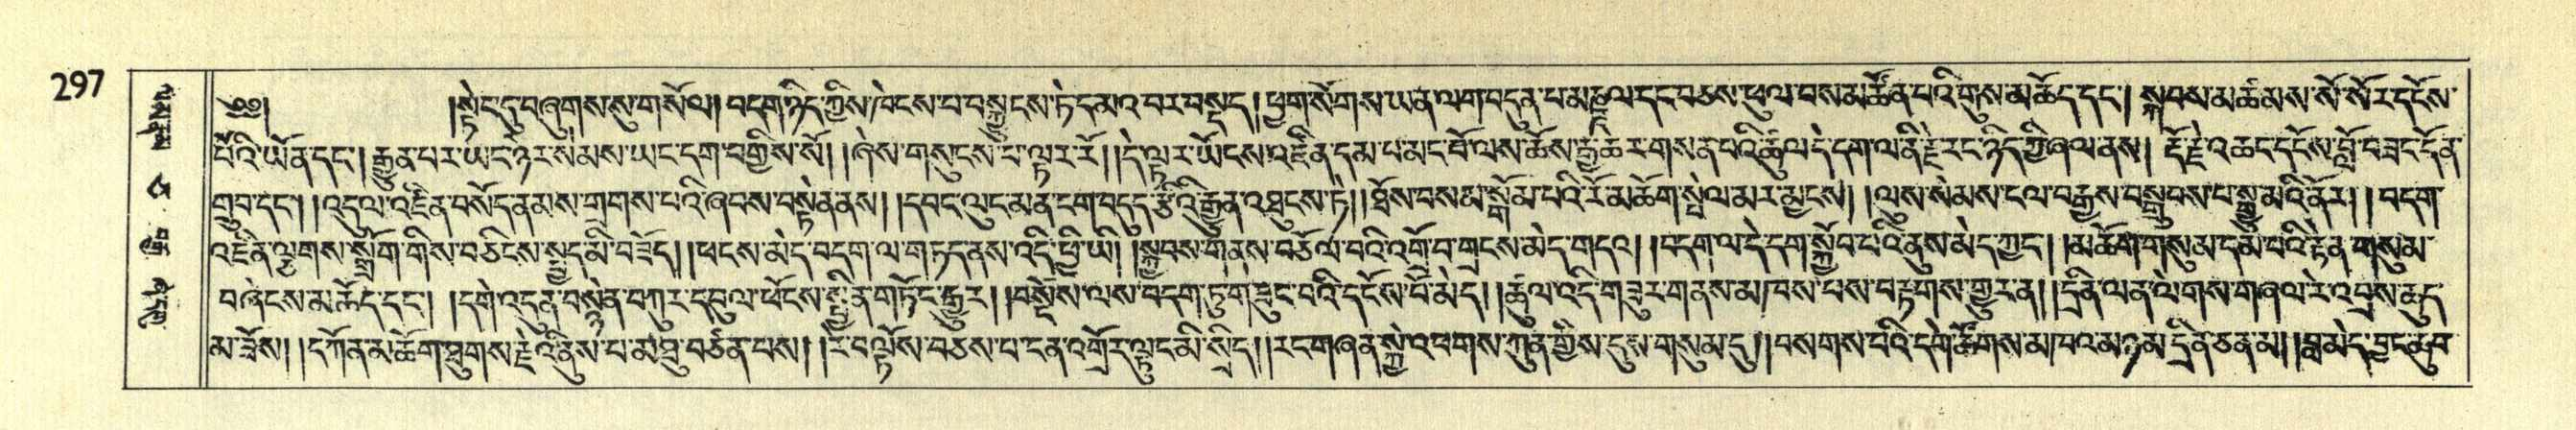༄༅། །སྟེང་དུ་བཞུགས་སུ་གསོལ། བདག་ཉིད་ཀྱིས་ཁེངས་པ་བསྐྱུངས་ཏེ་དམའ་བར་བསྡད། ཕྱག་སོགས་ཡན་ལག་བདུན་པ་མཎྜལ་དང་བཅས་ཕུལ་བས་མཚོན་པའི་གུས་མཆོད་དང་། སྐབས་མཚམས་སོ་སོར་དངོས་
པོའི་ཡོན་དང་། རྒྱུན་པར་ཡང་ཉེར་སེམས་ཡང་དག་བགྱིས་སོ། །ཞེས་གསུངས་པ་ལྟར་རོ། །དེ་ལྟར་ཡོངས་འཛིན་དམ་པ་མང་པོ་ལས་ཆོས་རྒྱ་ཆེར་གསན་པའི་ཚུལ་དེ་དག་ལ་ནི་རྗེ་རང་ཉིད་ཀྱི་ཞལ་ནས། རྡོ་རྗེ་འཆང་དངོས་བློ་བཟང་དོན་
གྲུབ་དང་། །འདུལ་འཛིན་བསོད་ནམས་གྲགས་པའི་ཞབས་བསྟེན་ནས། །དབང་ལུང་མན་ངག་བདུད་རྩིའི་རྒྱུན་འཐུངས་ཏེ། །ཐོས་བསམ་སྒོམ་པའི་རོ་མཆོག་སྤེལ་མར་མྱངས། །ལུས་སེམས་ངལ་བརྒྱས་བསྒྲུབས་པ་སྒྱུ་མའི་ནོར། །བདག་
འཛིན་ལྕགས་སྒྲོག་གིས་བཅིངས་སྤྱད་མི་བཟོད། །ཕངས་མེད་བདག་ལ་གཏད་ནས་འདི་ཕྱི་ཡི། །སྐྱབས་གནས་བཅོལ་བའི་འགྲོ་བ་གྲངས་མེད་གདའ། །བདག་ལ་དེ་དག་སྐྱོབ་པའི་ནུས་མེད་ཀྱང་། །མཆོག་གསུམ་དམ་པའི་རྟེན་གསུམ་
བཞེངས་མཆོད་དང་། །དགེ་འདུན་བསྙེན་བཀུར་དབུལ་ཕོངས་སྤྱིན་གཏོང་རྒྱུར། །བསྔོས་ལས་བདག་ཏུ་གཟུང་བའི་དངོས་པོ་མེད། །ཚུལ་འདི་གཟུར་གནས་མཁས་པས་བརྟགས་གྱུར་ན། །དྲིན་ལན་ལེགས་གཞལ་རེ་འབྲས་ཆུད་
མ་ཟོས། །དཀོན་མཆོག་ཐུགས་རྗེའི་ནུས་པ་མཐུ་བཙན་པས། །རེ་བལྟོས་བཅས་པ་ངན་འགྲོར་ལྟུང་མི་སྲིད། །རང་གཞན་སྐྱེ་འཕགས་ཀུན་གྱིས་དུས་གསུམ་དུ། །བསགས་པའི་དགེ་ཚོགས་མཁའ་མཉམ་དྲིན་ཅན་མ། །བླ་མེད་བྱང་ཆུབ་